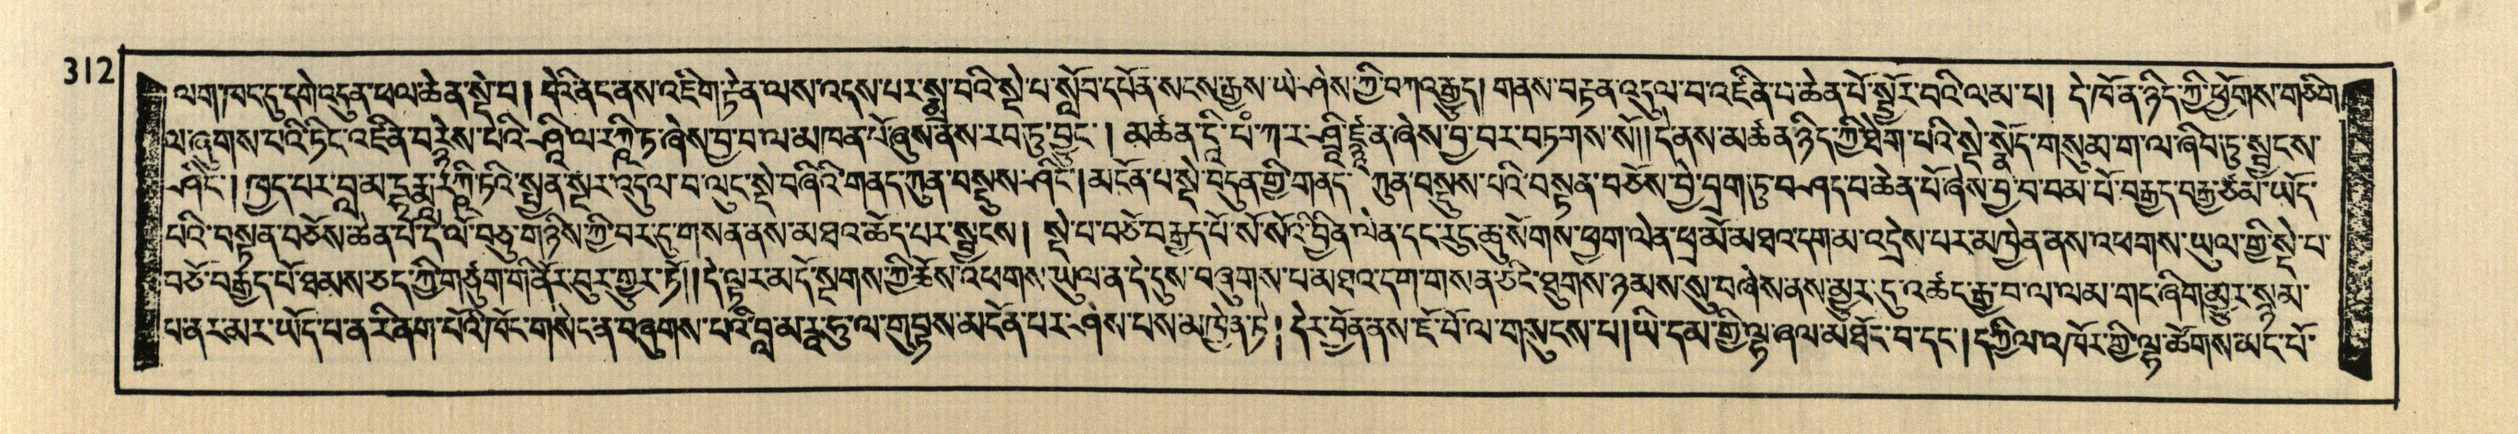ལག་ཁང་དུ་དགེ་འདུན་ཕལ་ཆེན་སྡེ་པ། དེའི་ནང་ནས་འཇིག་རྟེན་ལས་འདས་པར་སྨྲ་བའི་སྡེ་པ་སློབ་དཔོན་སངས་རྒྱས་ཡེ་ཤེས་ཀྱི་བཀའ་རྒྱུད། གནས་བརྟན་འདུལ་བ་འཛིན་པ་ཆེན་པོ་སྦྱོར་བའི་ལམ་པ། དེ་ཁོ་ན་ཉིད་ཀྱི་ཕྱོགས་གཅིག་
ལ་ཞུགས་པའི་ཏིང་འཛིན་བརྙེས་པའི་ཤཱི་ལ་རཀྵི་ཏ་ཞེས་བྱ་བ་ལ་མཁན་པོ་ཞུས་ནས་རབ་ཏུ་བྱུང་། མཚན་འདི་པཾ་ཀ་ར་ཤྲཱི་ཛྙཱ་ན་ཞེས་བྱ་བར་བཏགས་སོ། །དེ་ནས་མཚན་ཉིད་ཀྱི་ཐེག་པའི་སྡེ་སྣོད་གསུམ་ག་ལ་ཞིབ་ཏུ་སྦྱངས་
ཤིང་། ཁྱད་པར་བླ་མ་དྷརྨཱ་རཀྵི་ཏའི་སྤྱན་སྔར་འདུལ་བ་ལུང་སྡེ་བཞིའི་གནད་ཀུན་བསྡུས་ཤིང་། མངོན་པ་སྡེ་བདུན་གྱི་གནད་ཀུན་བསྡུས་པའི་བསྟན་བཅོས་བྱེ་བྲག་ཏུ་བཤད་པ་ཆེན་པོ་ཞེས་བྱ་བ་བམ་པོ་བརྒྱད་བརྒྱ་ཙམ་ཡོད་
པའི་བསྟན་བཅོས་ཆེན་པོ་དེ་ལ་བཅུ་གཉིས་ཀྱི་བར་དུ་གསན་ནས་མཐའ་ཆོད་པར་སྦྱངས། སྡེ་པ་བཅོ་བརྒྱད་པོ་སོ་སོའི་བྱིན་ལེན་དང་རུང་ཆུ་སོགས་ཕྱག་ལེན་ཕྲ་མོ་མཐའ་དག་མ་འདྲེས་པར་མཁྱེན་ནས་འཕགས་ཡུལ་གྱི་སྡེ་པ་
བཅོ་བརྒྱད་པོ་ཐམས་ཅད་ཀྱི་གཙུག་གི་ནོར་བུར་གྱུར་ཏོ། །དེ་ལྟར་མདོ་སྔགས་ཀྱི་ཆོས་འཕགས་ཡུལ་ན་དེ་དུས་བཞུགས་པ་མཐའ་དག་གསན་ཅིང་ཐུགས་ཉམས་སུ་བཞེས་ནས་མྱུར་དུ་འཚང་རྒྱ་བ་ལ་ལམ་གང་ཞིག་མྱུར་སྙམ་
པ་ནར་མར་ཡོད་པ་ན་རི་ནག་པོའི་ཁོང་གསེང་ན་བཞུགས་པའི་བླ་མ་རཱ་ཧུ་ལ་གུབཏས་མངོན་པར་ཤེས་པས་མཁྱེན་ཏེ། དེར་བྱོན་ནས་ཇོ་བོ་ལ་གསུངས་པ། ཡི་དམ་གྱི་ལྷ་ཞལ་མཐོང་བ་དང་། དཀྱིལ་འཁོར་གྱི་ལྷ་ཚོགས་མང་པོ་